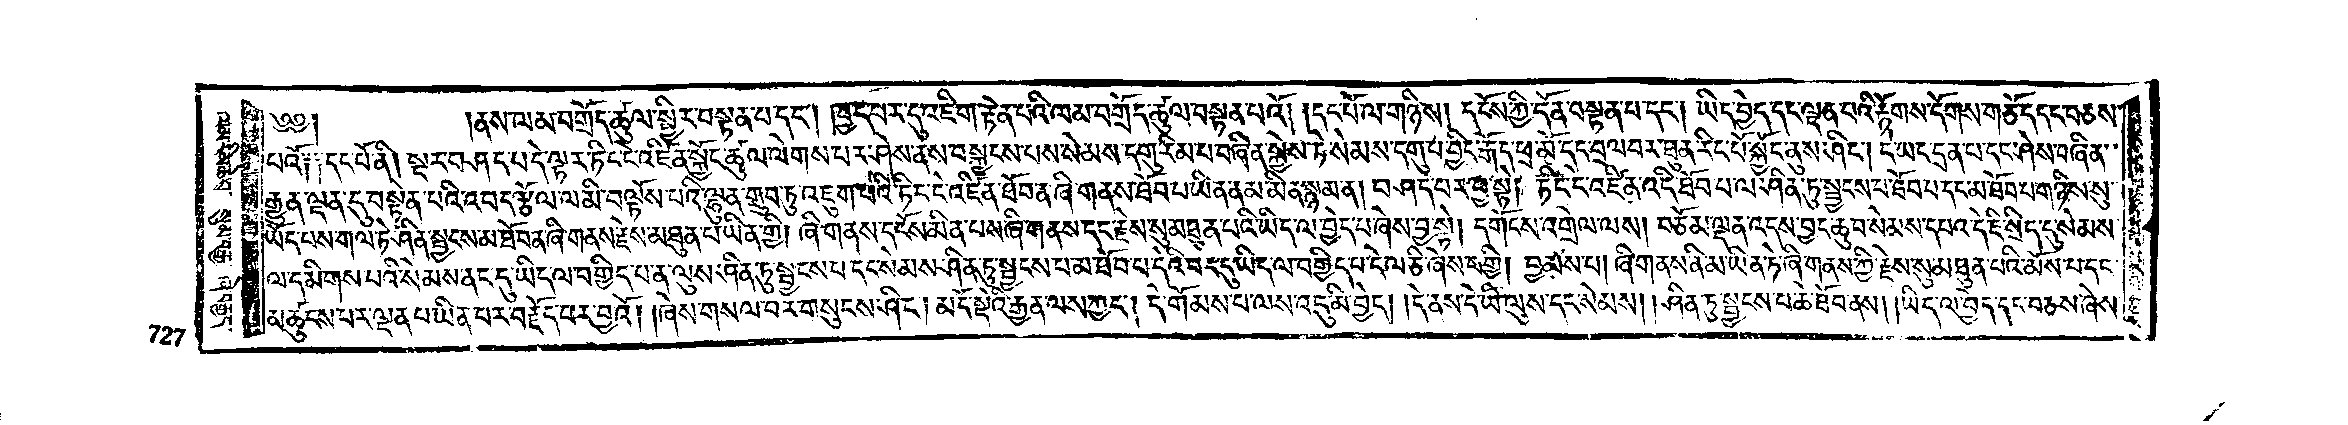༄༅། །ནས་ལམ་བགྲོད་ཚུལ་སྤྱིར་བསྟན་པ་དང་། ཁྱད་པར་དུ་འཇིག་རྟེན་པའི་ལམ་བགྲོད་ཚུལ་བསྟན་པའོ། །དང་པོ་ལ་གཉིས། དངོས་ཀྱི་དོན་བསྟན་པ་དང་། ཡིད་བྱེད་དང་ལྡན་པའི་རྟགས་དོགས་གཅོད་དང་བཅས་
པའོ༑ ༑དང་པོ་ནི། སྔར་བཤད་པ་དེ་ལྟར་ཏིང་ངེ་འཛིན་སྐྱོང་ཚུལ་ལེགས་པར་ཤེས་ནས་བསྐྱངས་པས་སེམས་དགུ་རིམ་པ་བཞིན་སྐྱེས་ཏེ་སེམས་དགུ་པ་བྱིང་རྒོད་ཕྲ་མོ་དང་བྲལ་བར་ཐུན་རིང་པོ་སྐྱོང་ནུས་ཤིང་། དེ་ཡང་དྲན་པ་དང་ཤེས་བཞིན་
རྒྱུན་ལྡན་དུ་བསྟེན་པའི་འབད་རྩོལ་ལ་མི་བལྟོས་པའི་ལྷུན་གྲུབ་ཏུ་འཇུག་པའི་ཏིང་ངེ་འཛིན་ཐོབ་ན་ཞི་གནས་ཐོབ་པ་ཡིན་ནམ་མིན་སྙམ་ན། བཤད་པར་བྱ་སྟེ། ཏིང་ངེ་འཛིན་འདི་ཐོབ་པ་ལ་ཤིན་ཏུ་སྦྱངས་པ་ཐོབ་པ་དང་མ་ཐོབ་པ་གཉིས་སུ་
ཡོད་པས་གལ་ཏེ་ཤིན་སྦྱངས་མ་ཐོབ་ན་ཞི་གནས་རྗེས་མཐུན་པ་ཡིན་གྱི། ཞི་གནས་དངོས་མིན་པས་ཞི་གནས་དང་རྗེས་སུ་མཐུན་པའི་ཡིད་ལ་བྱེད་པ་ཞེས་བྱ་སྟེ། དགོངས་འགྲེལ་ལས། བཅོམ་ལྡན་འདས་བྱང་ཆུབ་སེམས་དཔའ་དེ་ཇི་སྲིད་དུ་སེམས་
ལ་དམིགས་པའི་སེམས་ནང་དུ་ཡིད་ལ་བགྱིད་པ་ན་ལུས་ཤིན་ཏུ་སྦྱངས་པ་དང་སེམས་ཤིན་ཏུ་སྦྱངས་པ་མ་ཐོབ་པ་དེའི་བར་དུ་ཡིད་ལ་བགྱིད་པ་དེ་ལ་ཅི་ཞེས་བགྱི། བྱམས་པ། ཞི་གནས་ནི་མ་ཡིན་ཏེ་ཞི་གནས་ཀྱི་རྗེས་སུ་མཐུན་པའི་མོས་པ་དང་
མཚུངས་པར་ལྡན་པ་ཡིན་པར་བརྗོད་པར་བྱའོ། །ཞེས་གསལ་བར་གསུངས་ཤིང་། མདོ་སྡེའི་རྒྱན་ལས་ཀྱང་། དེ་གོམས་པ་ལས་འདུ་མི་བྱེད། །དེ་ནས་དེ་ཡི་ལུས་དང་སེམས། །ཤིན་ཏུ་སྦྱངས་པ་ཆེ་ཐོབ་ནས། །ཡིད་ལ་བྱེད་དང་བཅས་ཞེས་